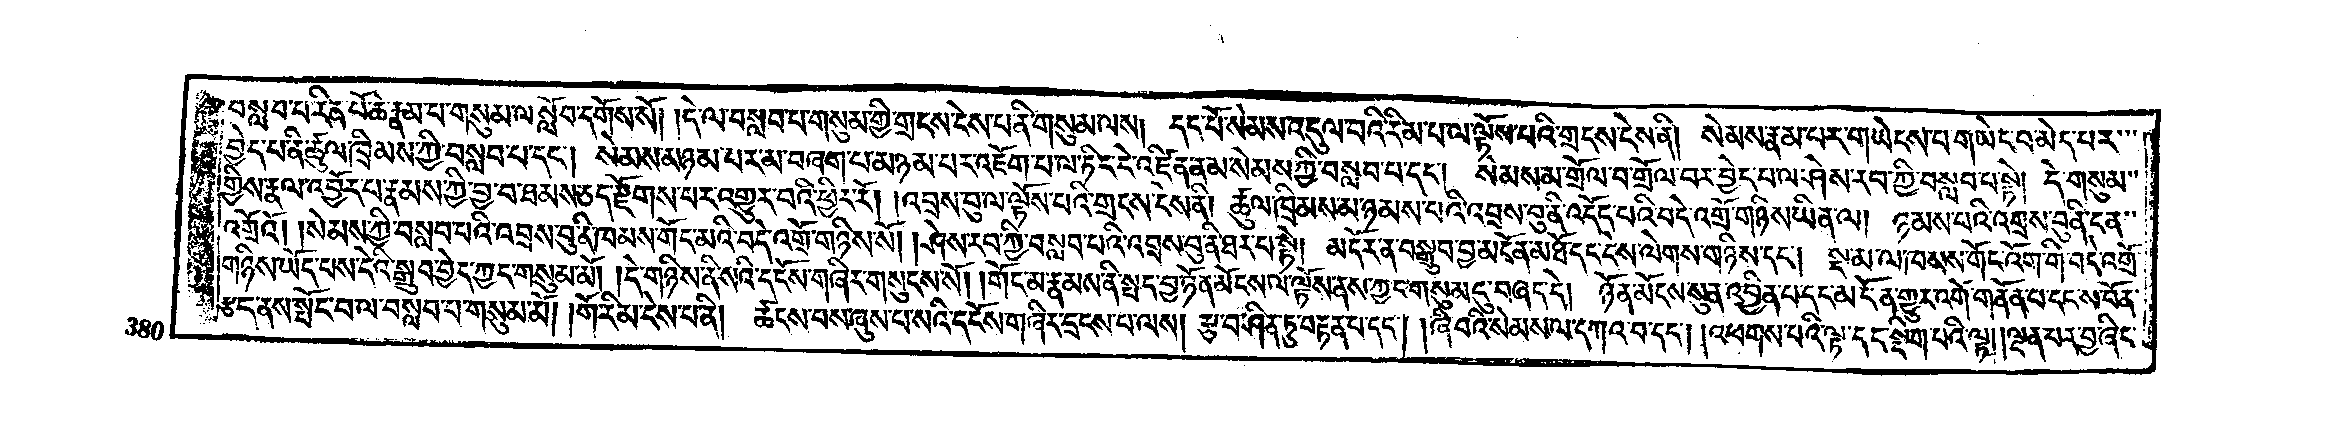བསླབ་པ་རིན་པོ་ཆེ་རྣམ་པ་གསུམ་ལ་སློབ་དགོས་སོ། །དེ་ལ་བསླབ་པ་གསུམ་གྱི་གྲངས་ངེས་པ་ནི་གསུམ་ལས། དང་པོ་སེམས་འདུལ་བའི་རིམ་པ་ལ་ལྟོས་པའི་གྲངས་ངེས་ནི། སེམས་རྣམ་པར་གཡེངས་པ་གཡེང་བ་མེད་པར་
བྱེད་པ་ནི་ཚུལ་ཁྲིམས་ཀྱི་བསླབ་པ་དང་། སེམས་མཉམ་པར་མ་བཞག་པ་མཉམ་པར་འཇོག་པ་ལ་ཏིང་ངེ་འཛིན་ནམ་སེམས་ཀྱི་བསླབ་པ་དང་། སེམས་མ་གྲོལ་བ་གྲོལ་བར་བྱེད་པ་ལ་ཤེས་རབ་ཀྱི་བསླབ་པ་སྟེ། དེ་གསུམ་
གྱིས་རྣལ་འབྱོར་པ་རྣམས་ཀྱི་བྱ་བ་ཐམས་ཅད་རྫོགས་པར་འགྱུར་བའི་ཕྱིར་རོ། །འབྲས་བུ་ལ་ལྟོས་པའི་གྲངས་ངེས་ནི། ཚུལ་ཁྲིམས་མ་ཉམས་པའི་འབྲས་བུ་ནི་འདོད་པའི་བདེ་འགྲོ་གཉིས་ཡིན་ལ། ཉམས་པའི་འབྲས་བུ་ནི་ངན་
འགྲོའོ། །སེམས་ཀྱི་བསླབ་པའི་འབྲས་བུ་ནི་ཁམས་གོང་མའི་བདེ་འགྲོ་གཉིས་སོ། །ཤེས་རབ་ཀྱི་བསླབ་པའི་འབྲས་བུ་ནི་ཐར་པ་སྟེ། མདོར་ན་བསྒྲུབ་བྱ་མངོན་མཐོ་དང་ངེས་ལེགས་གཉིས་དང་། སྔ་མ་ལ་ཁམས་གོང་འོག་གི་བདེ་འགྲོ་
གཉིས་ཡོད་པས་དེའི་སྒྲུབ་བྱེད་ཀྱང་གསུམ་མོ། །དེ་གཉིས་ནི་སའི་དངོས་གཞིར་གསུངས་སོ། །གོང་མ་རྣམས་ནི་སྤང་བྱ་ཉོན་མོངས་ལ་ལྟོས་ནས་ཀྱང་གསུམ་དུ་བཞེད་དེ། ཉོན་མོངས་སུན་འབྱིན་པ་དང་མངོན་གྱུར་འགོ་གནོན་པ་དང་ས་བོན་
རྩད་ནས་སྤོང་བ་ལ་བསླབ་པ་གསུམ་མོ། །གོ་རིམ་ངེས་པ་ནི། ཚངས་པས་ཞུས་པ་སའི་དངོས་གཞིར་དྲངས་པ་ལས། རྩ་བ་ཤིན་ཏུ་བརྟན་པ་དང་། །ཞི་བའི་སེམས་ལ་དགའ་བ་དང་། །འཕགས་པའི་ལྟ་དང་སྡིག་པའི་ལྟ། །ལྡན་པར་བྱ་ཞིང་